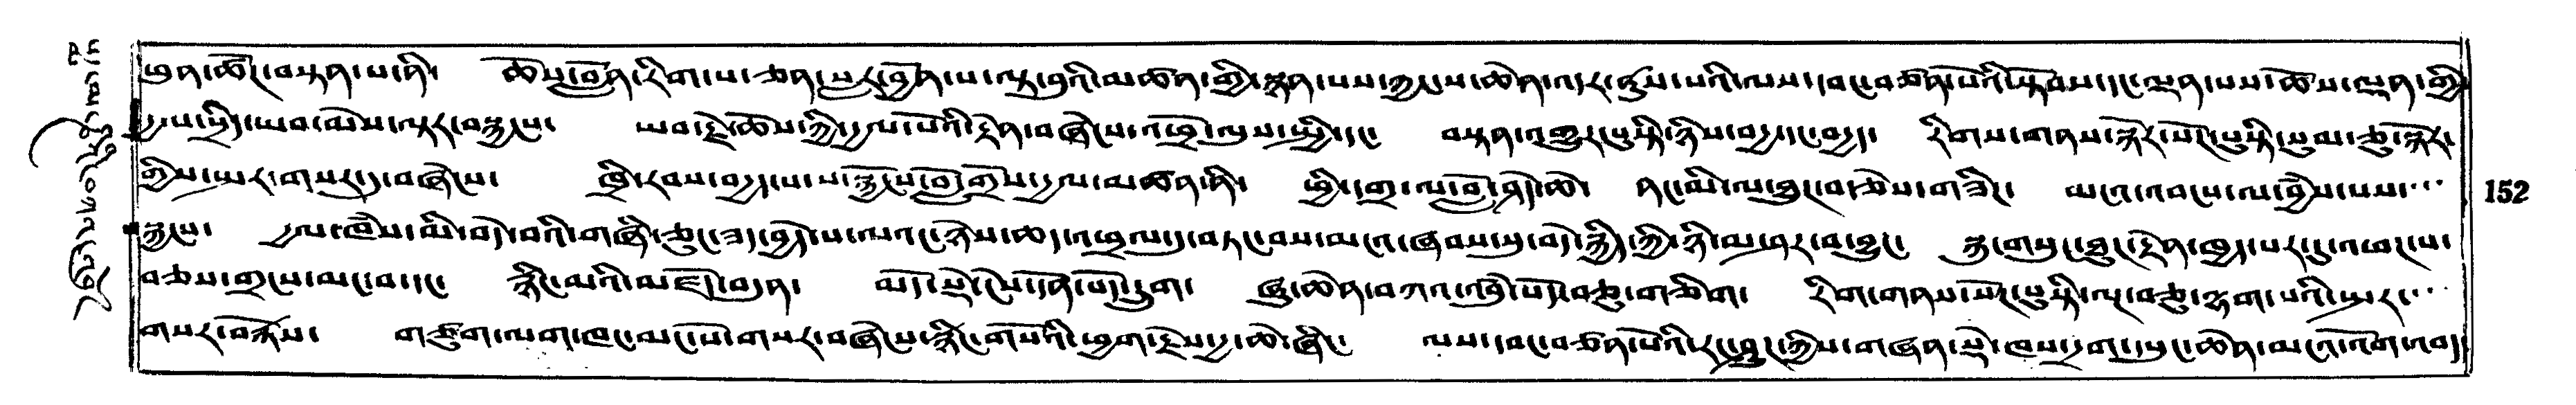ཕུན་ཚོགས་བསྟན་པ་ནི། ཆོས་བློན་རིག་པ་ཅན་སླར་བྱོན་པ་ལྟ་བུའི་མཚན་གྱི་སྙན་པས་ཀྱང་ས་ཆེན་འདར་ནུས་པའི་ལས་དབང་བཙན་པོའི་སྟོབས་དང་ལྡན་པས་ཆོས་ལྡན་གྱི་
རྒྱལ་སྲིད་ཡབ་མེས་ལྟར་བསྐྱངས། ཡབ་རྗེ་ཆོས་ཀྱི་རྒྱལ་པོའི་རྟེན་བཞེངས་འཕྲོ་ལུས་པ་སྤྱི་དང་། བསྟན་འགྱུར་པུསྟི་ཉྀས་བརྒྱ་དང་བརྒྱད། རིག་གནས་སྐོར་སོགས་པུསྟི་སུམ་ཅུ་སྐོར་
གྱིས་སྤར་གསར་དུ་བཞེངས། ཁྲི་རབས་བརྒྱད་པ་ས་སྐྱོང་བློ་གྲོས་རྒྱལ་མཚན་ནི། ཕྱི་དགྲ་ལ་བློ་ཤེད་ཆེ། ནང་མི་ལ་ཐུགས་བརྩེས་གཟིགས། མངའ་འབངས་ལ་བྱམས་པས་
བསྐྱངས། རྒྱལ་ཁམས་མི་བདེ་བའི་གཞི་ཅུང་ཟད་བྱེད་པ་ལའང་ཉེས་ཆད་འཕྲལ་དུ་བཏང་བས་མངའ་ཞབས་སུ་བདེ་སྐྱིད་ཀྱི་ཉི་མ་ཤར་བ་བྱུང་།སྐུ་གསུང་ཐུགས་རྟེན་ཁྱད་པར་དུ་འཕགས་པ་
བཅས་གྲངས་མང་བ་དང་། རྙིང་མའི་མཛོད་བདུན། མདོ་སྡེ་ངེས་དོན་པོད་དྲུག ཞུ་ཆེན་བཀའ་འབུམ་པོད་བཅུ་གཅིག རིག་གནས་སོགས་པུསྟི་ལྔ་བཅུ་ལྷག་པའི་སྤར་
གསར་བརྐོས། གཙུག་ལག་ཁང་མང་པོ་གསར་བཞེངས་རྙིང་གསོའི་ཕྱག་རྗེས་རྒྱ་ཆེ་ཞིང་། ལས་དབང་བཙན་པོའི་རང་ཤུགས་ཀྱིས་གཞན་སྡེ་ཁས་དྲག་དཔུང་ཆེན་མང་པོ་འབད་